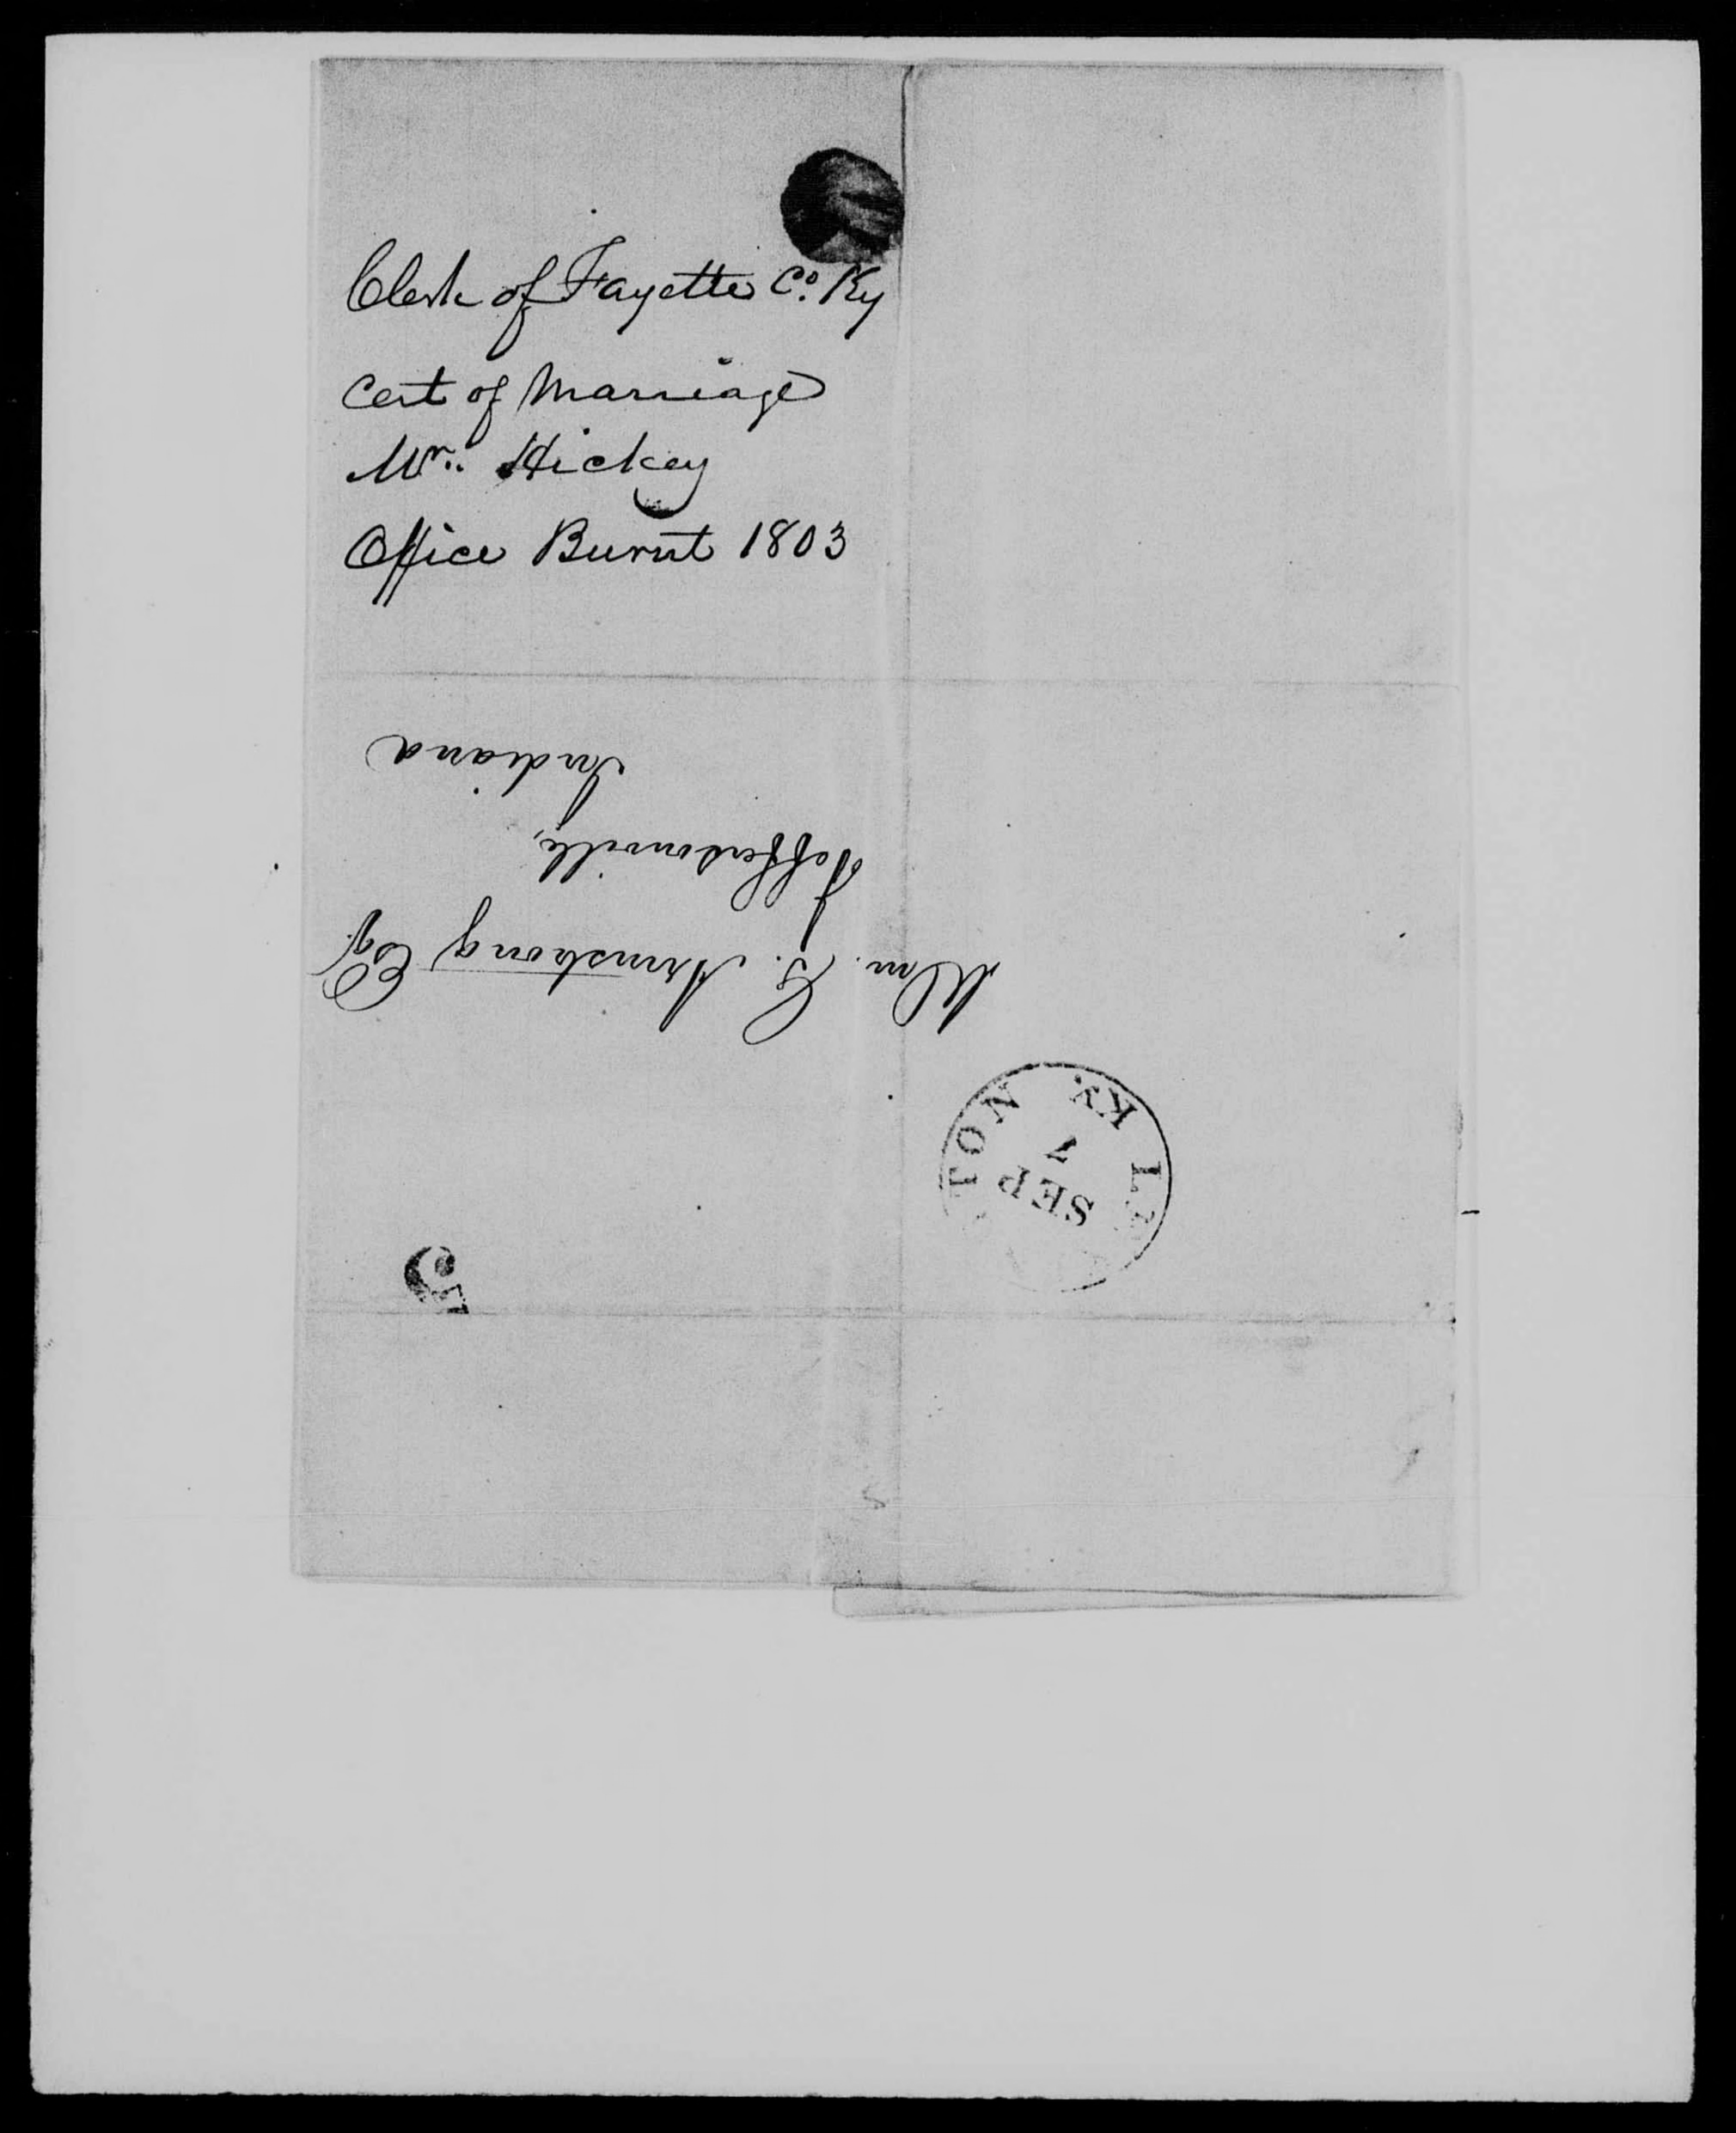Clerk of Fayette Co Ky
Cert of Marriage
Mr Hickey
Office Burnt 1803
5
LEXINGTON Ky SEP 7 [post office stamp]
Wm. G. Armstrong Esq
Jeffersonville
Indiana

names: Wm G Armstrong, Hickey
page: 35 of 84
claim: widow's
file: W. 7744, Daniel Hickey, Penn.